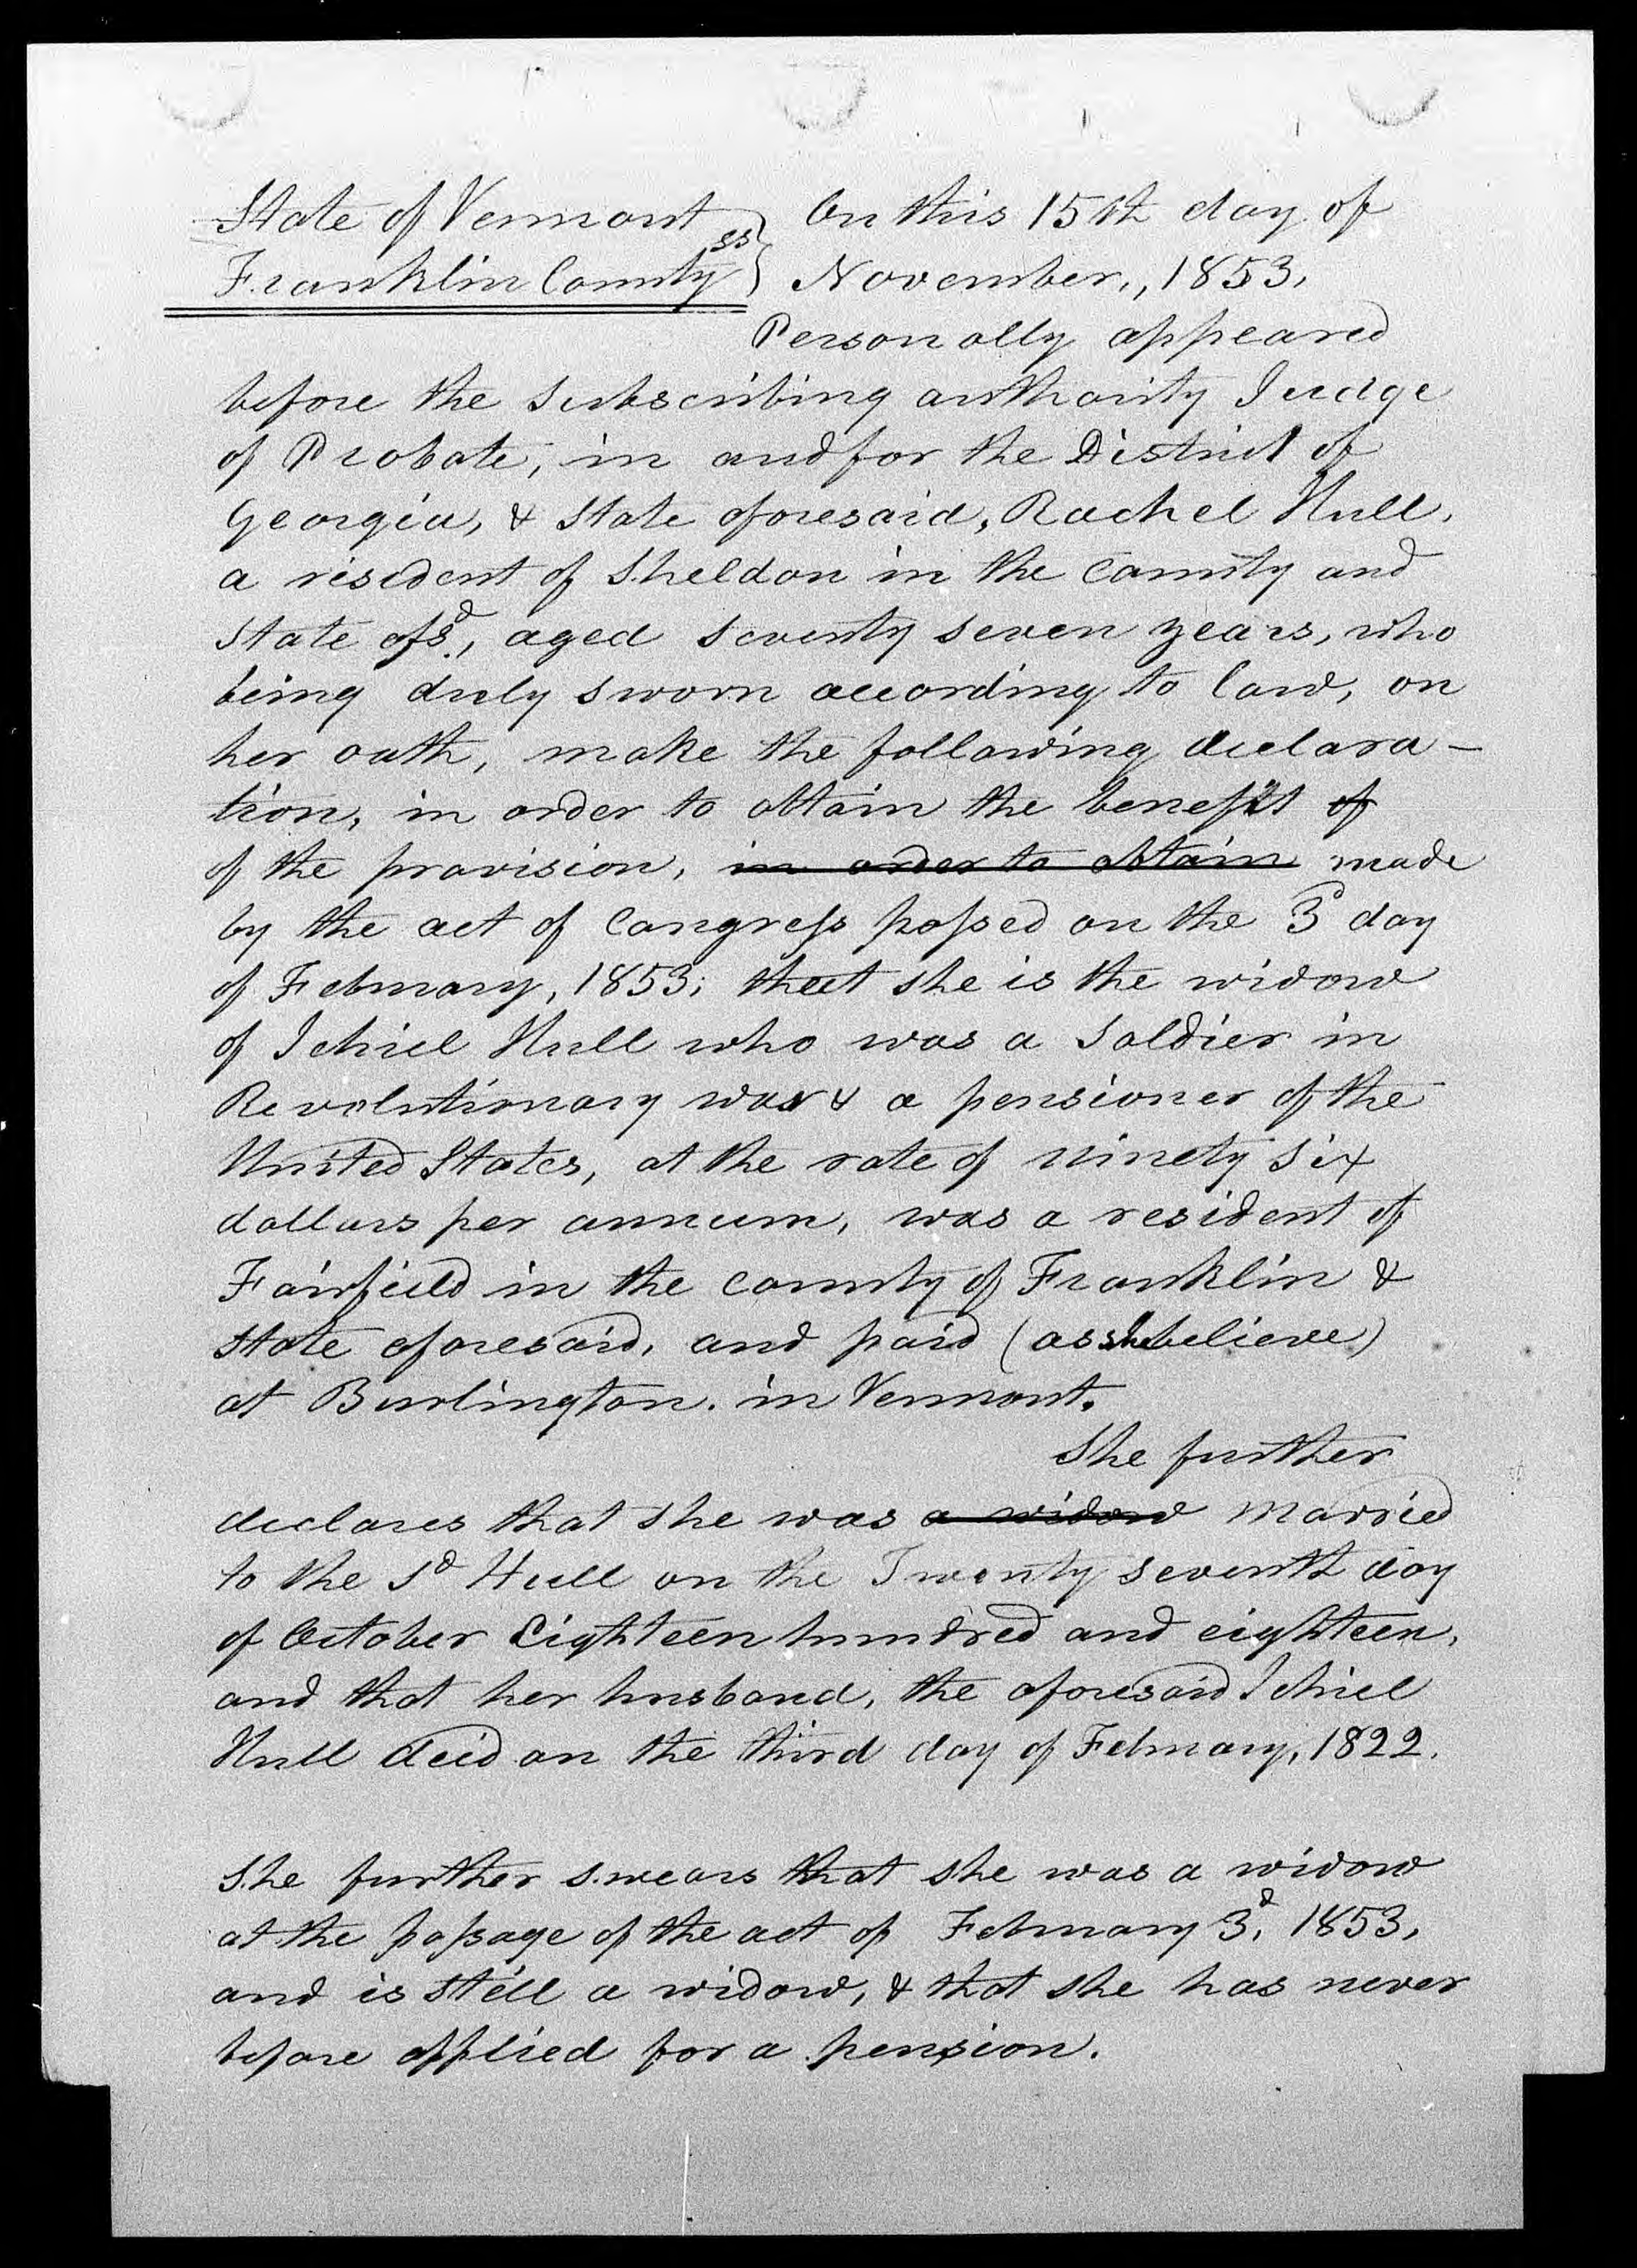State of Vermont SS
Franklin Co, 

	On this 15th day of November, 1853, personally appeared before the subscribing authority Judge of Probate in and for the District of George & State aforesaid, Rachel Hull, a resident of Sheldon in the County and State of, aged seventy-seven years, who being duly sworn according to land, on her oath, make the following declaration, in order to obtain the benefit of the provision, made by the act of Congress passed on the 3d day of February 1853; that she is the widow of Jehiel Hull who was a soldier in the Revolutionary war & a pensioner of the United States, at the rate of ninety-six dollars per annum, was a resident of Fairfield in the County of Franklin & State aforesaid, and paid (as she believes) at Burlington in Vermont. 
	She further declares that she was married to the sd Hull on the Twenty Seventh day of October Eighteen hundred and eighteen and that her husband, the aforesaid Jehiel Hull died on the third day of February 1822.

The further swears that she was a widow at the passage of the act of February 3d, 1853, and is still a widow, & that she has never before applied for a pension.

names: Rachel Hull, Jehiel Hull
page: 12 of 58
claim: widow's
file: W. 25813, Jehiel Hull, Conn.